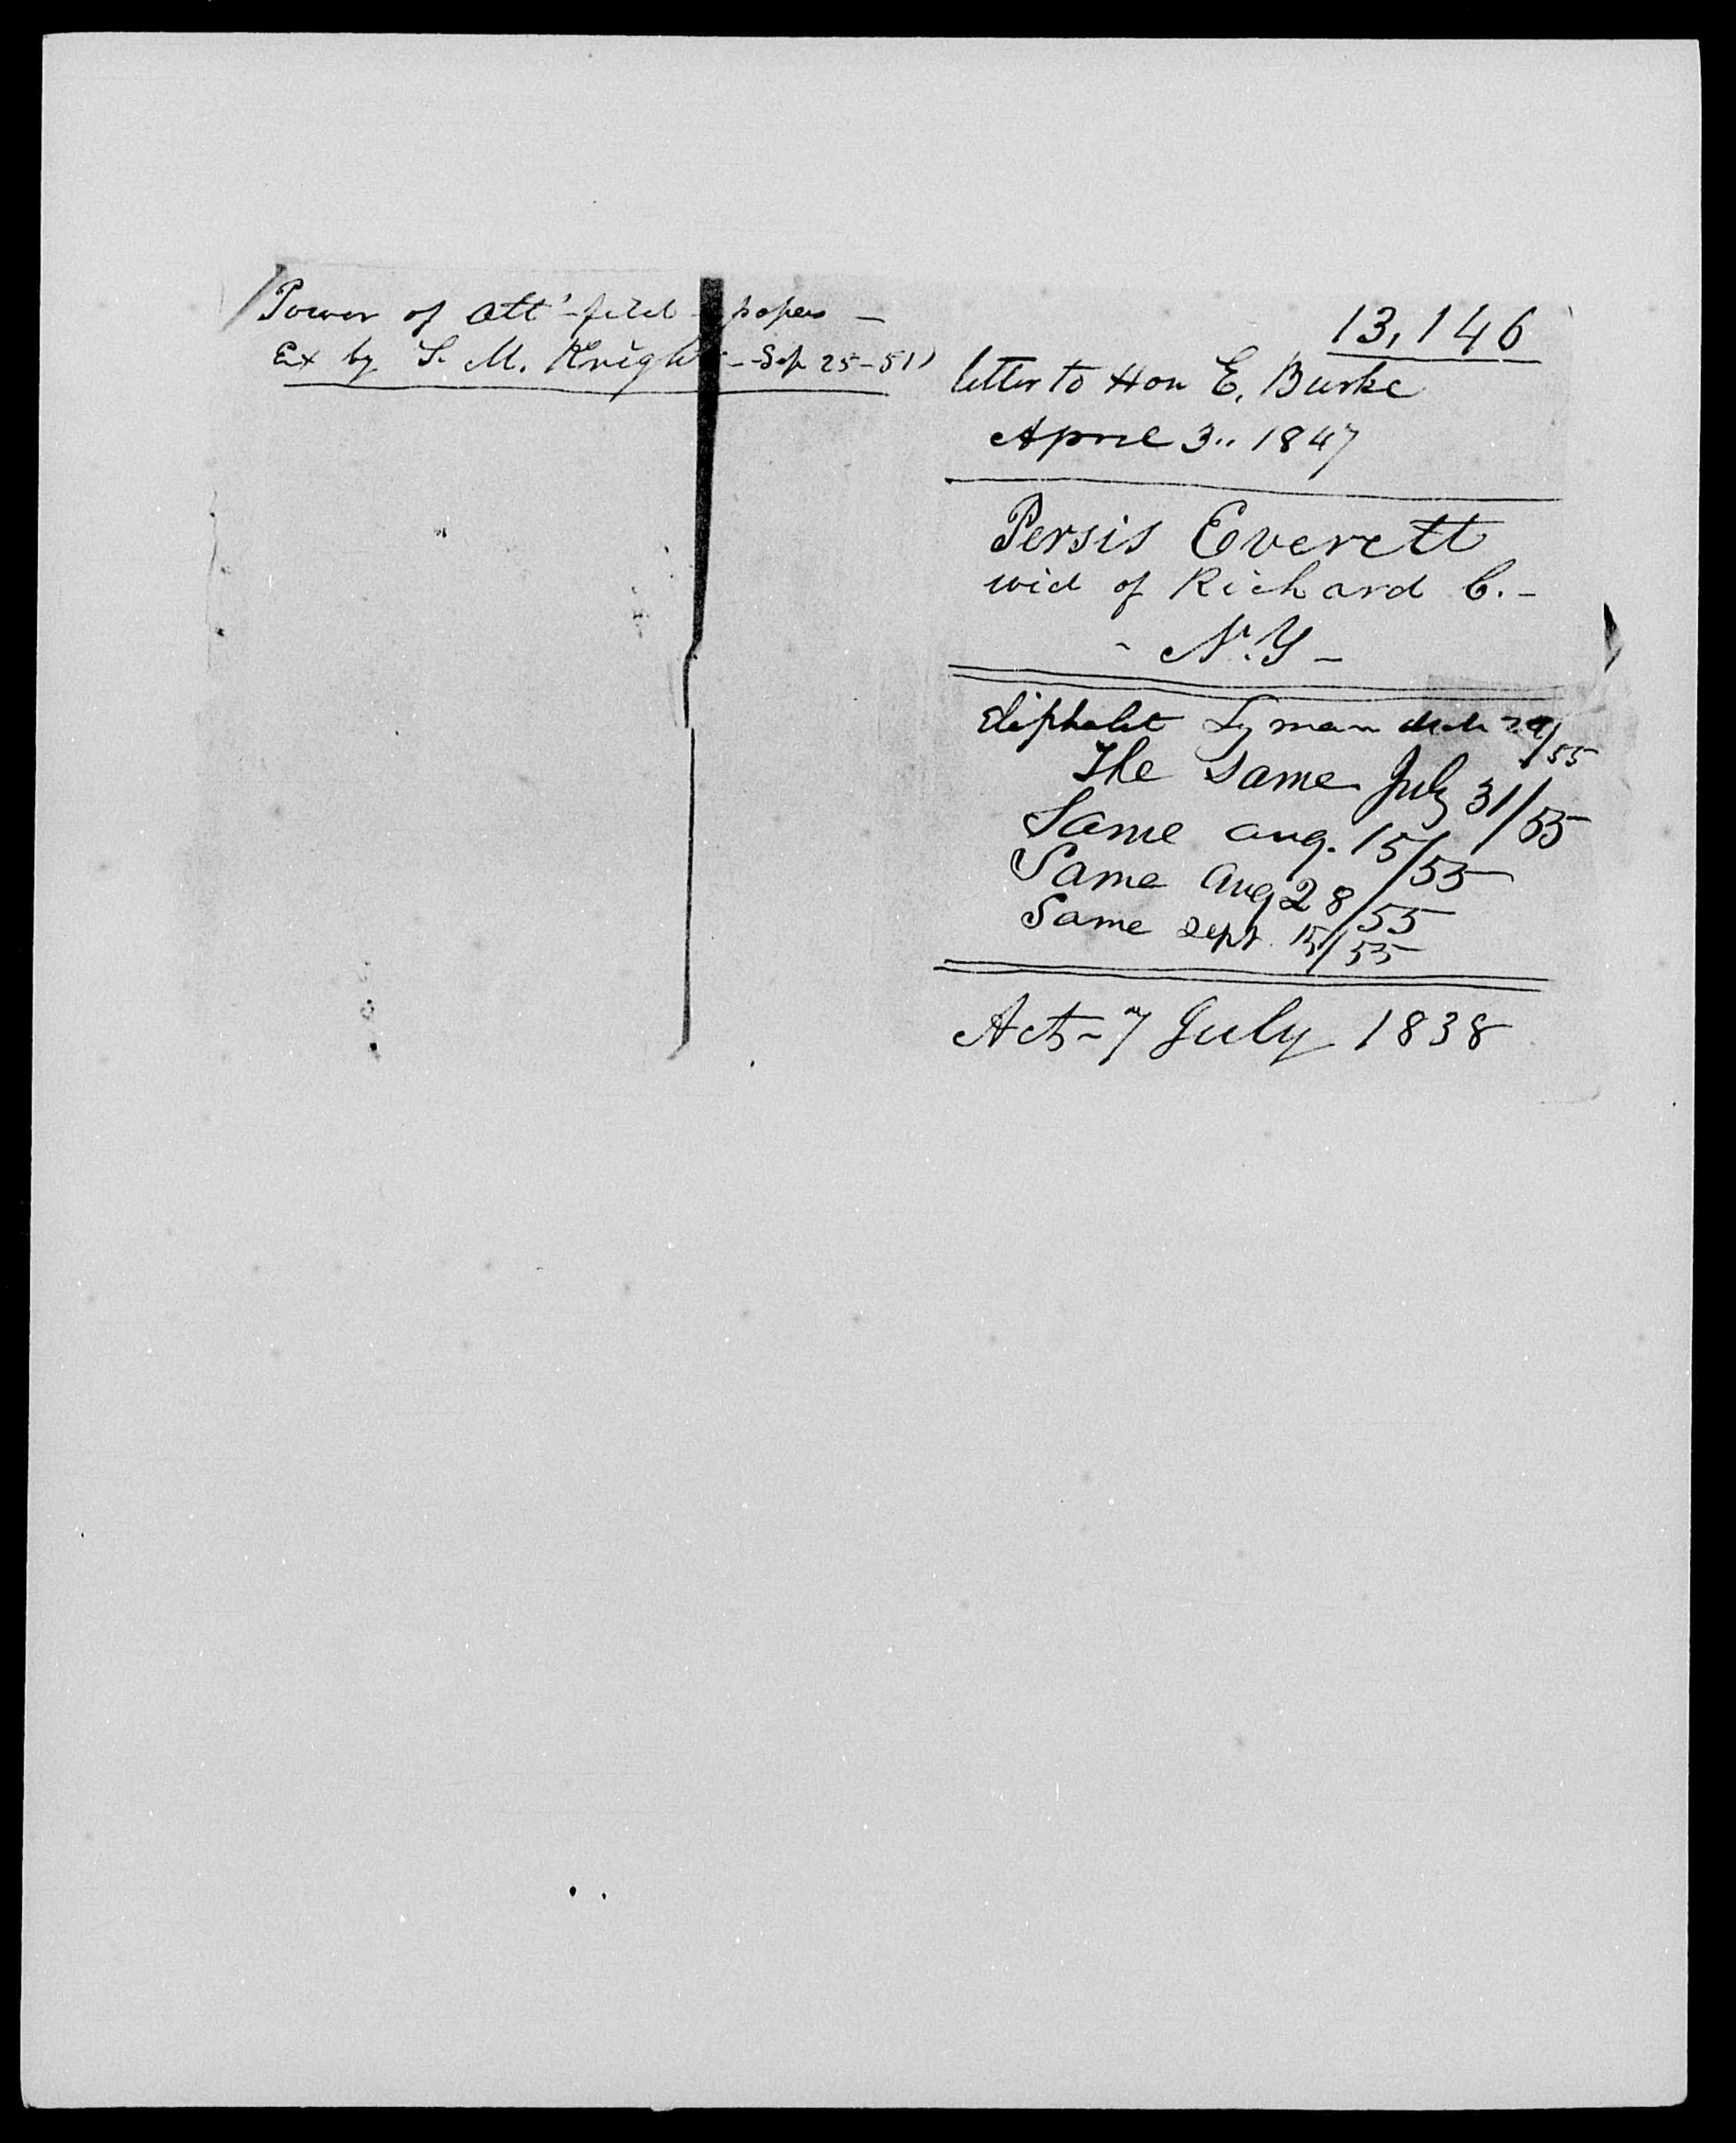[page 1]
Power of att' - filed papers -
Ex. by S. M. Knight - Sep 25 -51)

[page 2]

13.146
letter to Hon E. Burke
April 3, 1847
--
Persis Everett
wid of Richard C. - 
- N.Y. -
--
Eliphalet Lyman March 29/55
The same July 31/55
Same Aug. 15/55
Same Aug 28/55
Same Sept. 15/55
--
Acts - 7 July 1838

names: E Burke, S M Knight, Eliphalet Lyman, Richard C Everett, Persis Everett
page: 17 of 59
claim: widow's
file: W. 23017, Richard Clair Everett, Mass.